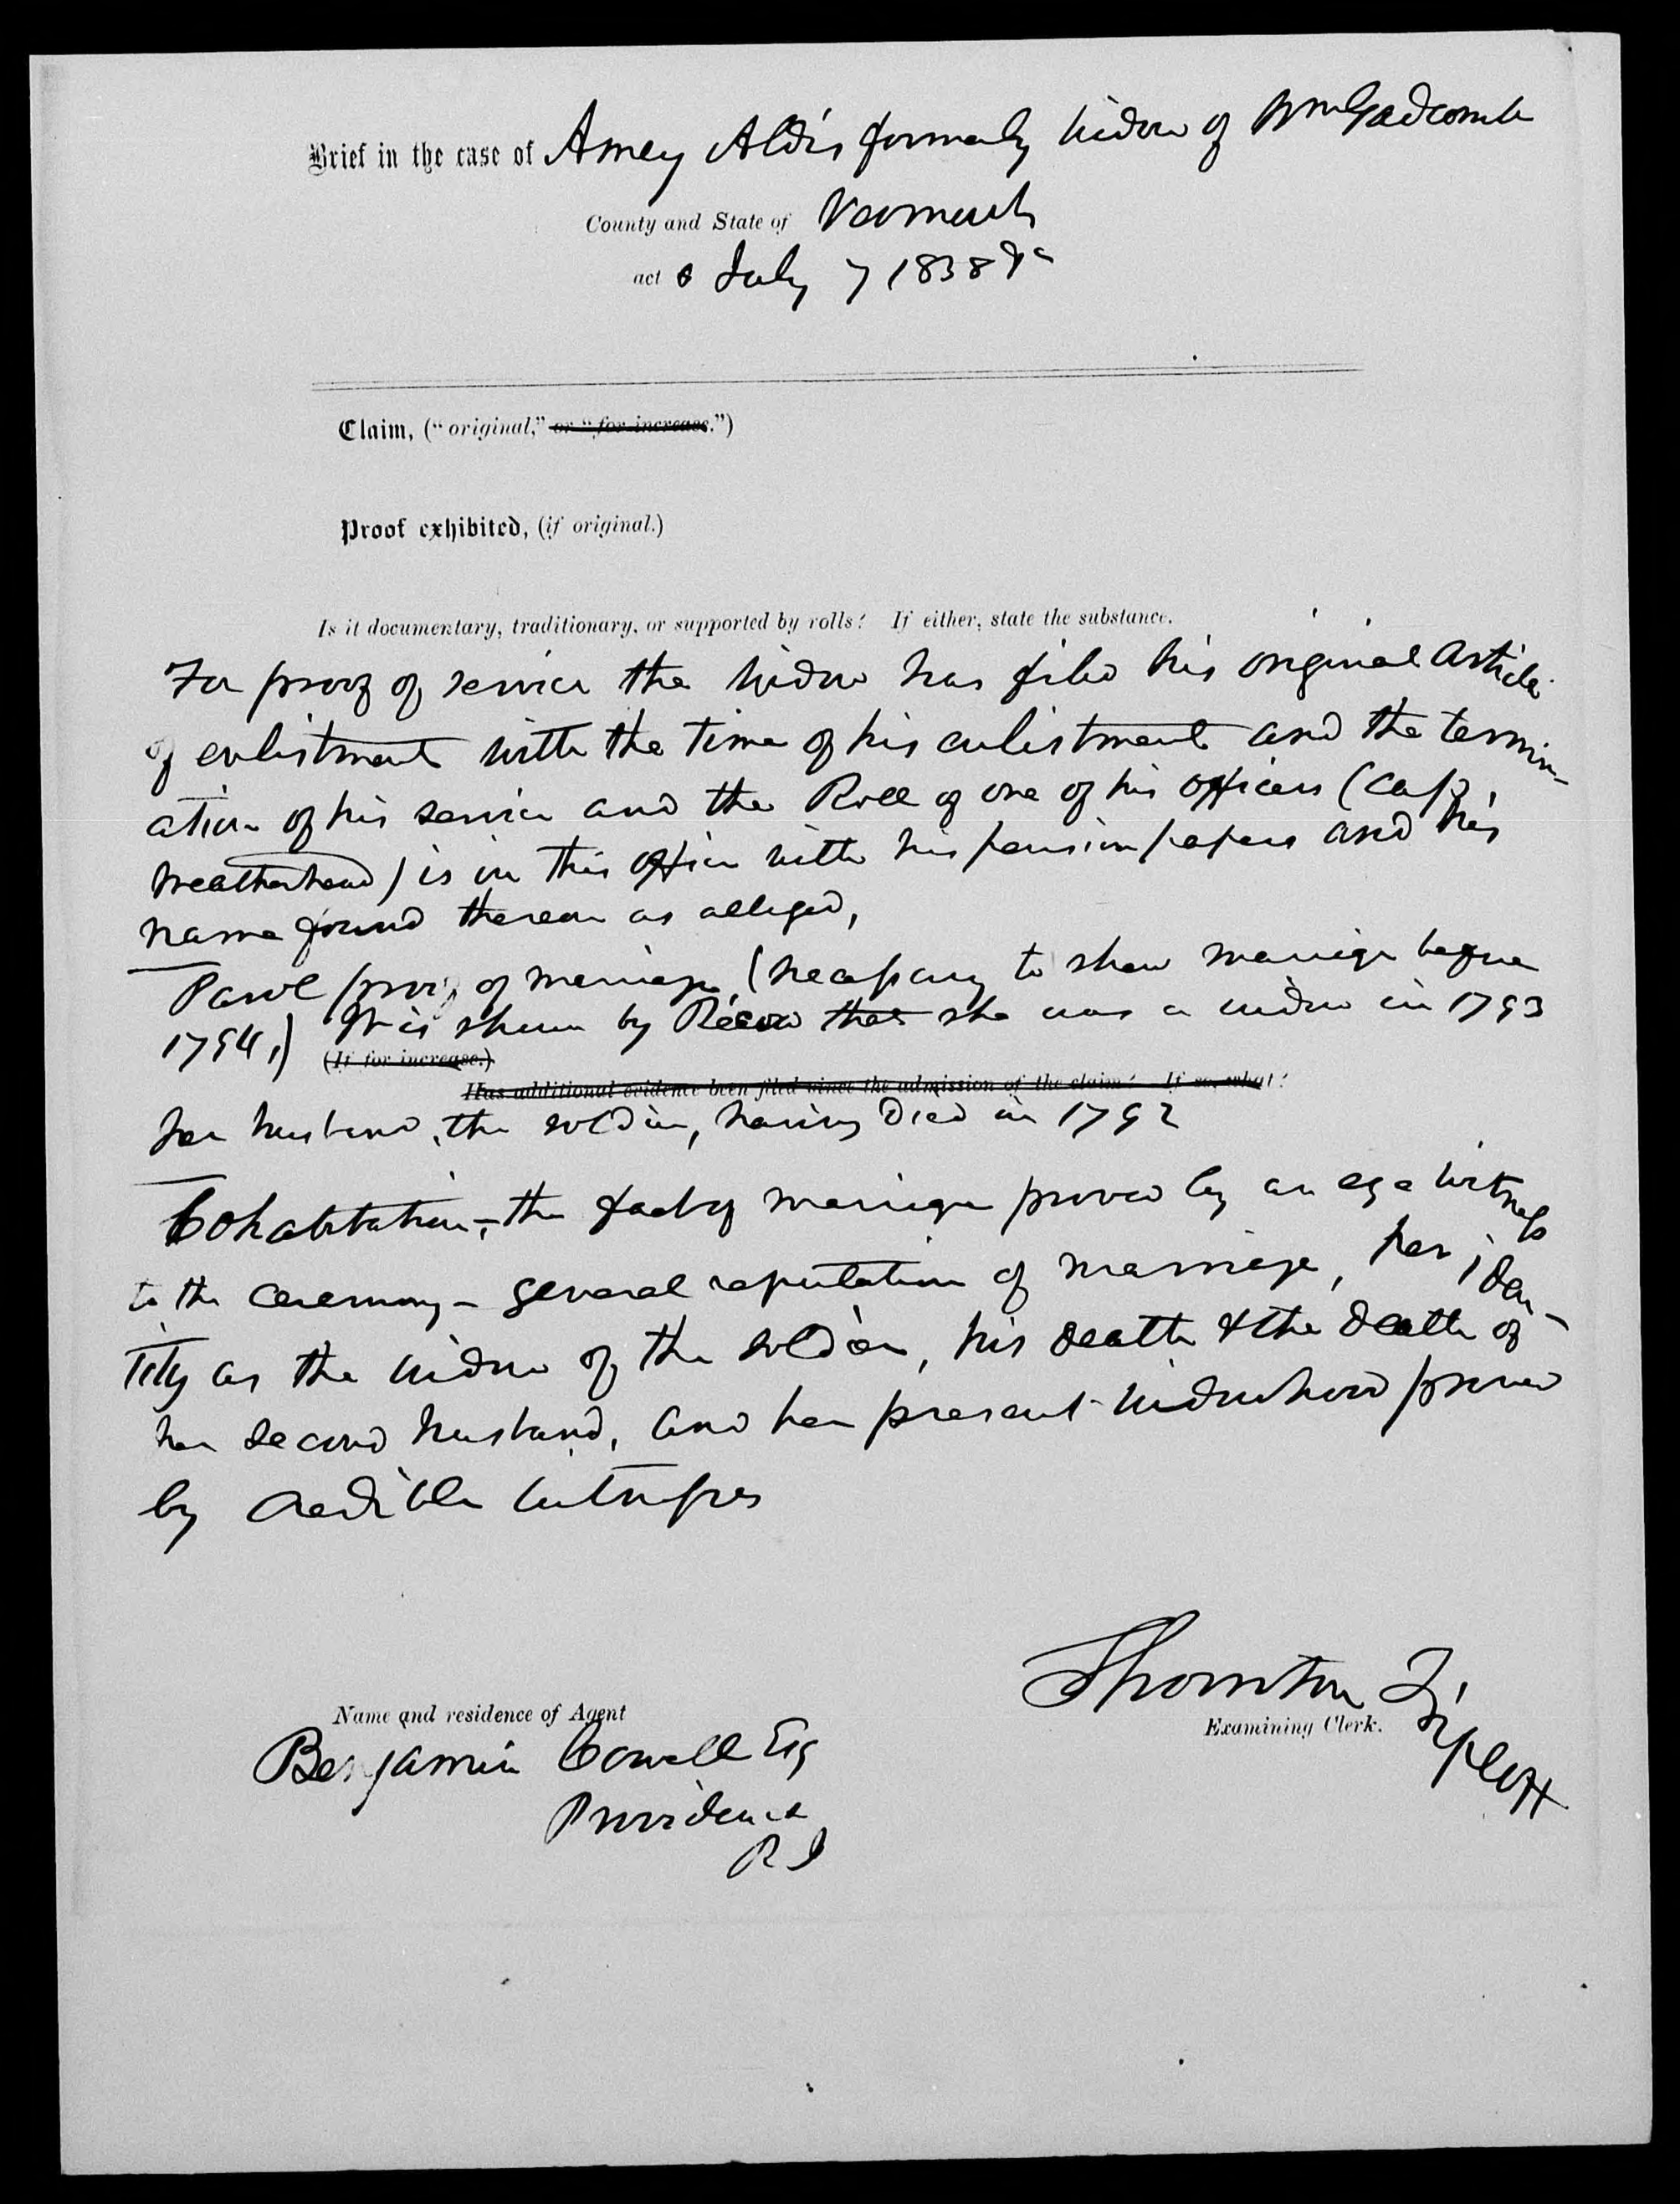Brief in the case of Amey Aldis, formerly widow of Wm. Gadcomb County and State of Vermont Act July 7 1838 &c. 
Claim, ("original,")
Proof exhibited, (if original.)
Is it documentary, traditionary, or supported by rolls? If either, state the substance. For proof of service the widow has filed his original article of enlistment with the time of his enlistment and the termination of his service and the Roll of one of his Officers (Cap. Weatherhead) is in this office with his pension papers and his name found thereon as alleged. 
[illegible] proof of marriage (necessary to show marriage before 1794,) Wil show by reason that she was a widow in 1793. Her husband the soldier, having died in 1792. 
Cohabitation, the [illegile] marriage proved by an eye witness to the ceremony, several reputations of marriage, her identity as the widow of the soldier, his death & the death of her second husband, and her present widowhood proven by credible witness. Thornton Trippett Examining Clerk. Name and residence of Agen Benjamine Cowell Esq. Providence RI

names: Weatherhead, Thomton Triplett, Wm Gadcomb, Benjamin Cowell, Amey Aldis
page: 46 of 76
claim: widow's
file: W. 15,517, William Gadcomb, R.I.